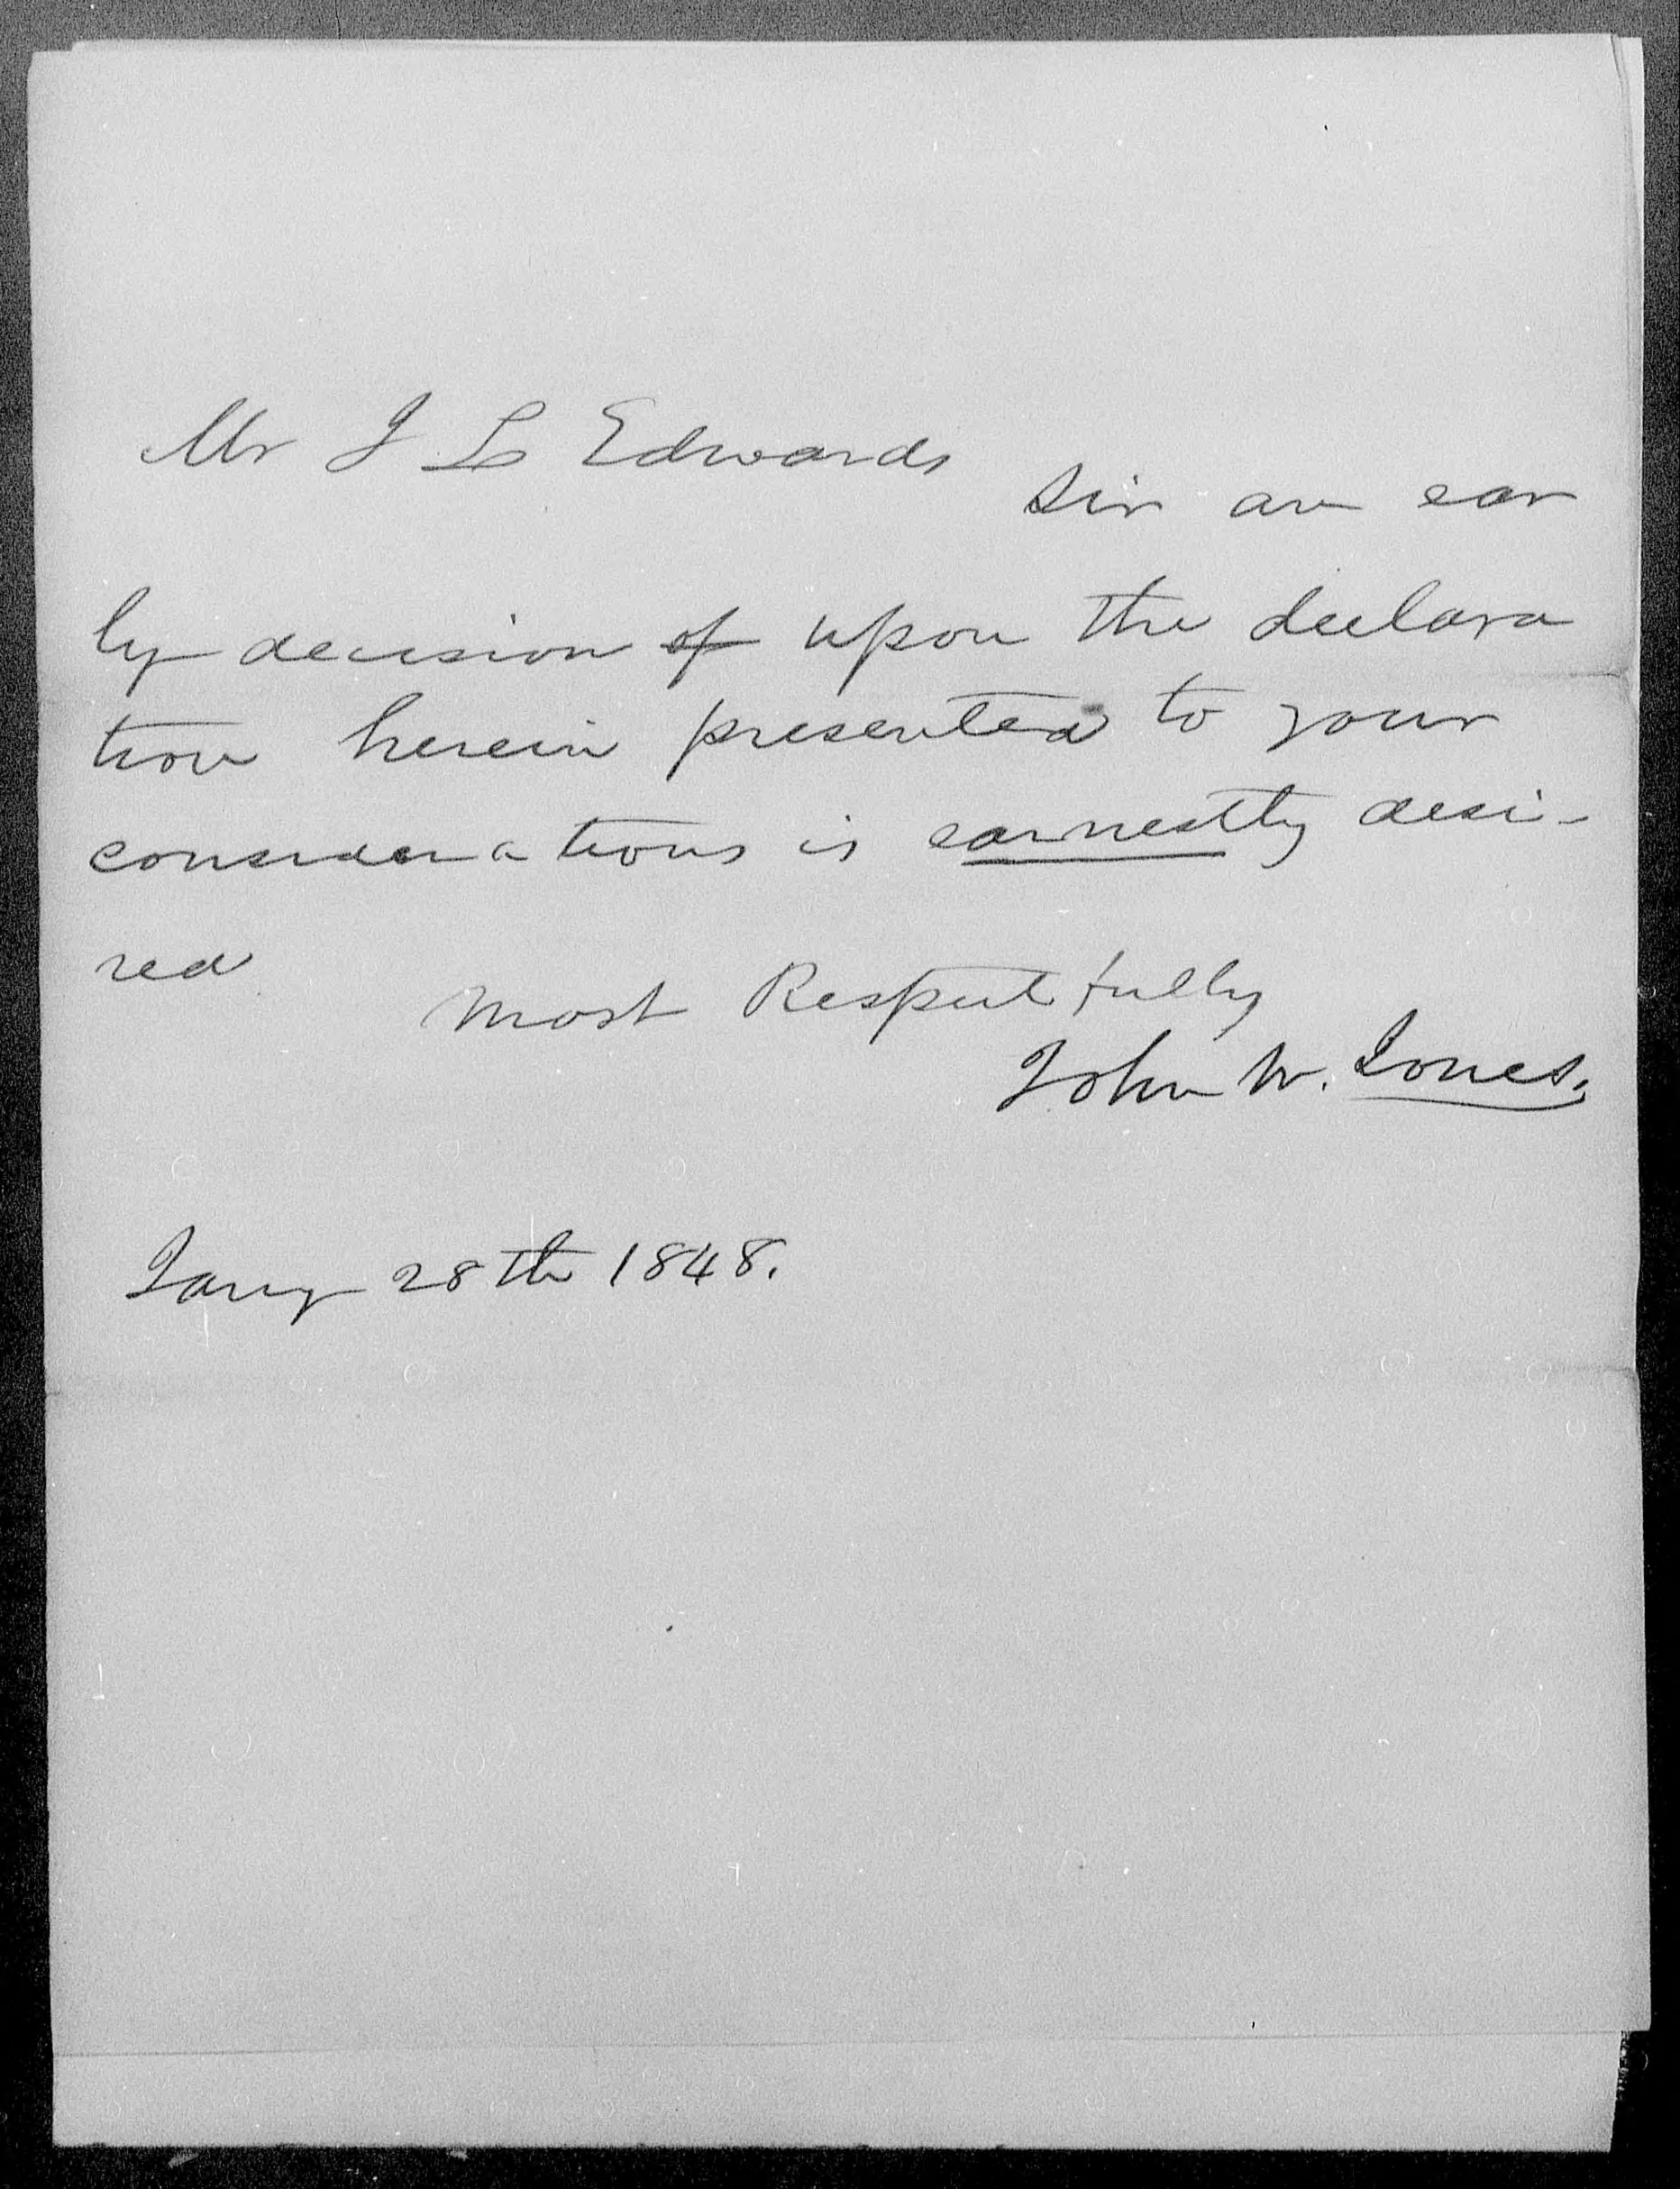Mr J L Edwards
Sir, An decision upon  upon the declaration herein presented to your considerations is earnestly desired
Most Respectfully
John W. Jones,

Jany 28th 1848.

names: J L Edwards, John W Jones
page: 42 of 73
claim: widow's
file: W. 5,894, John Cash, Va.